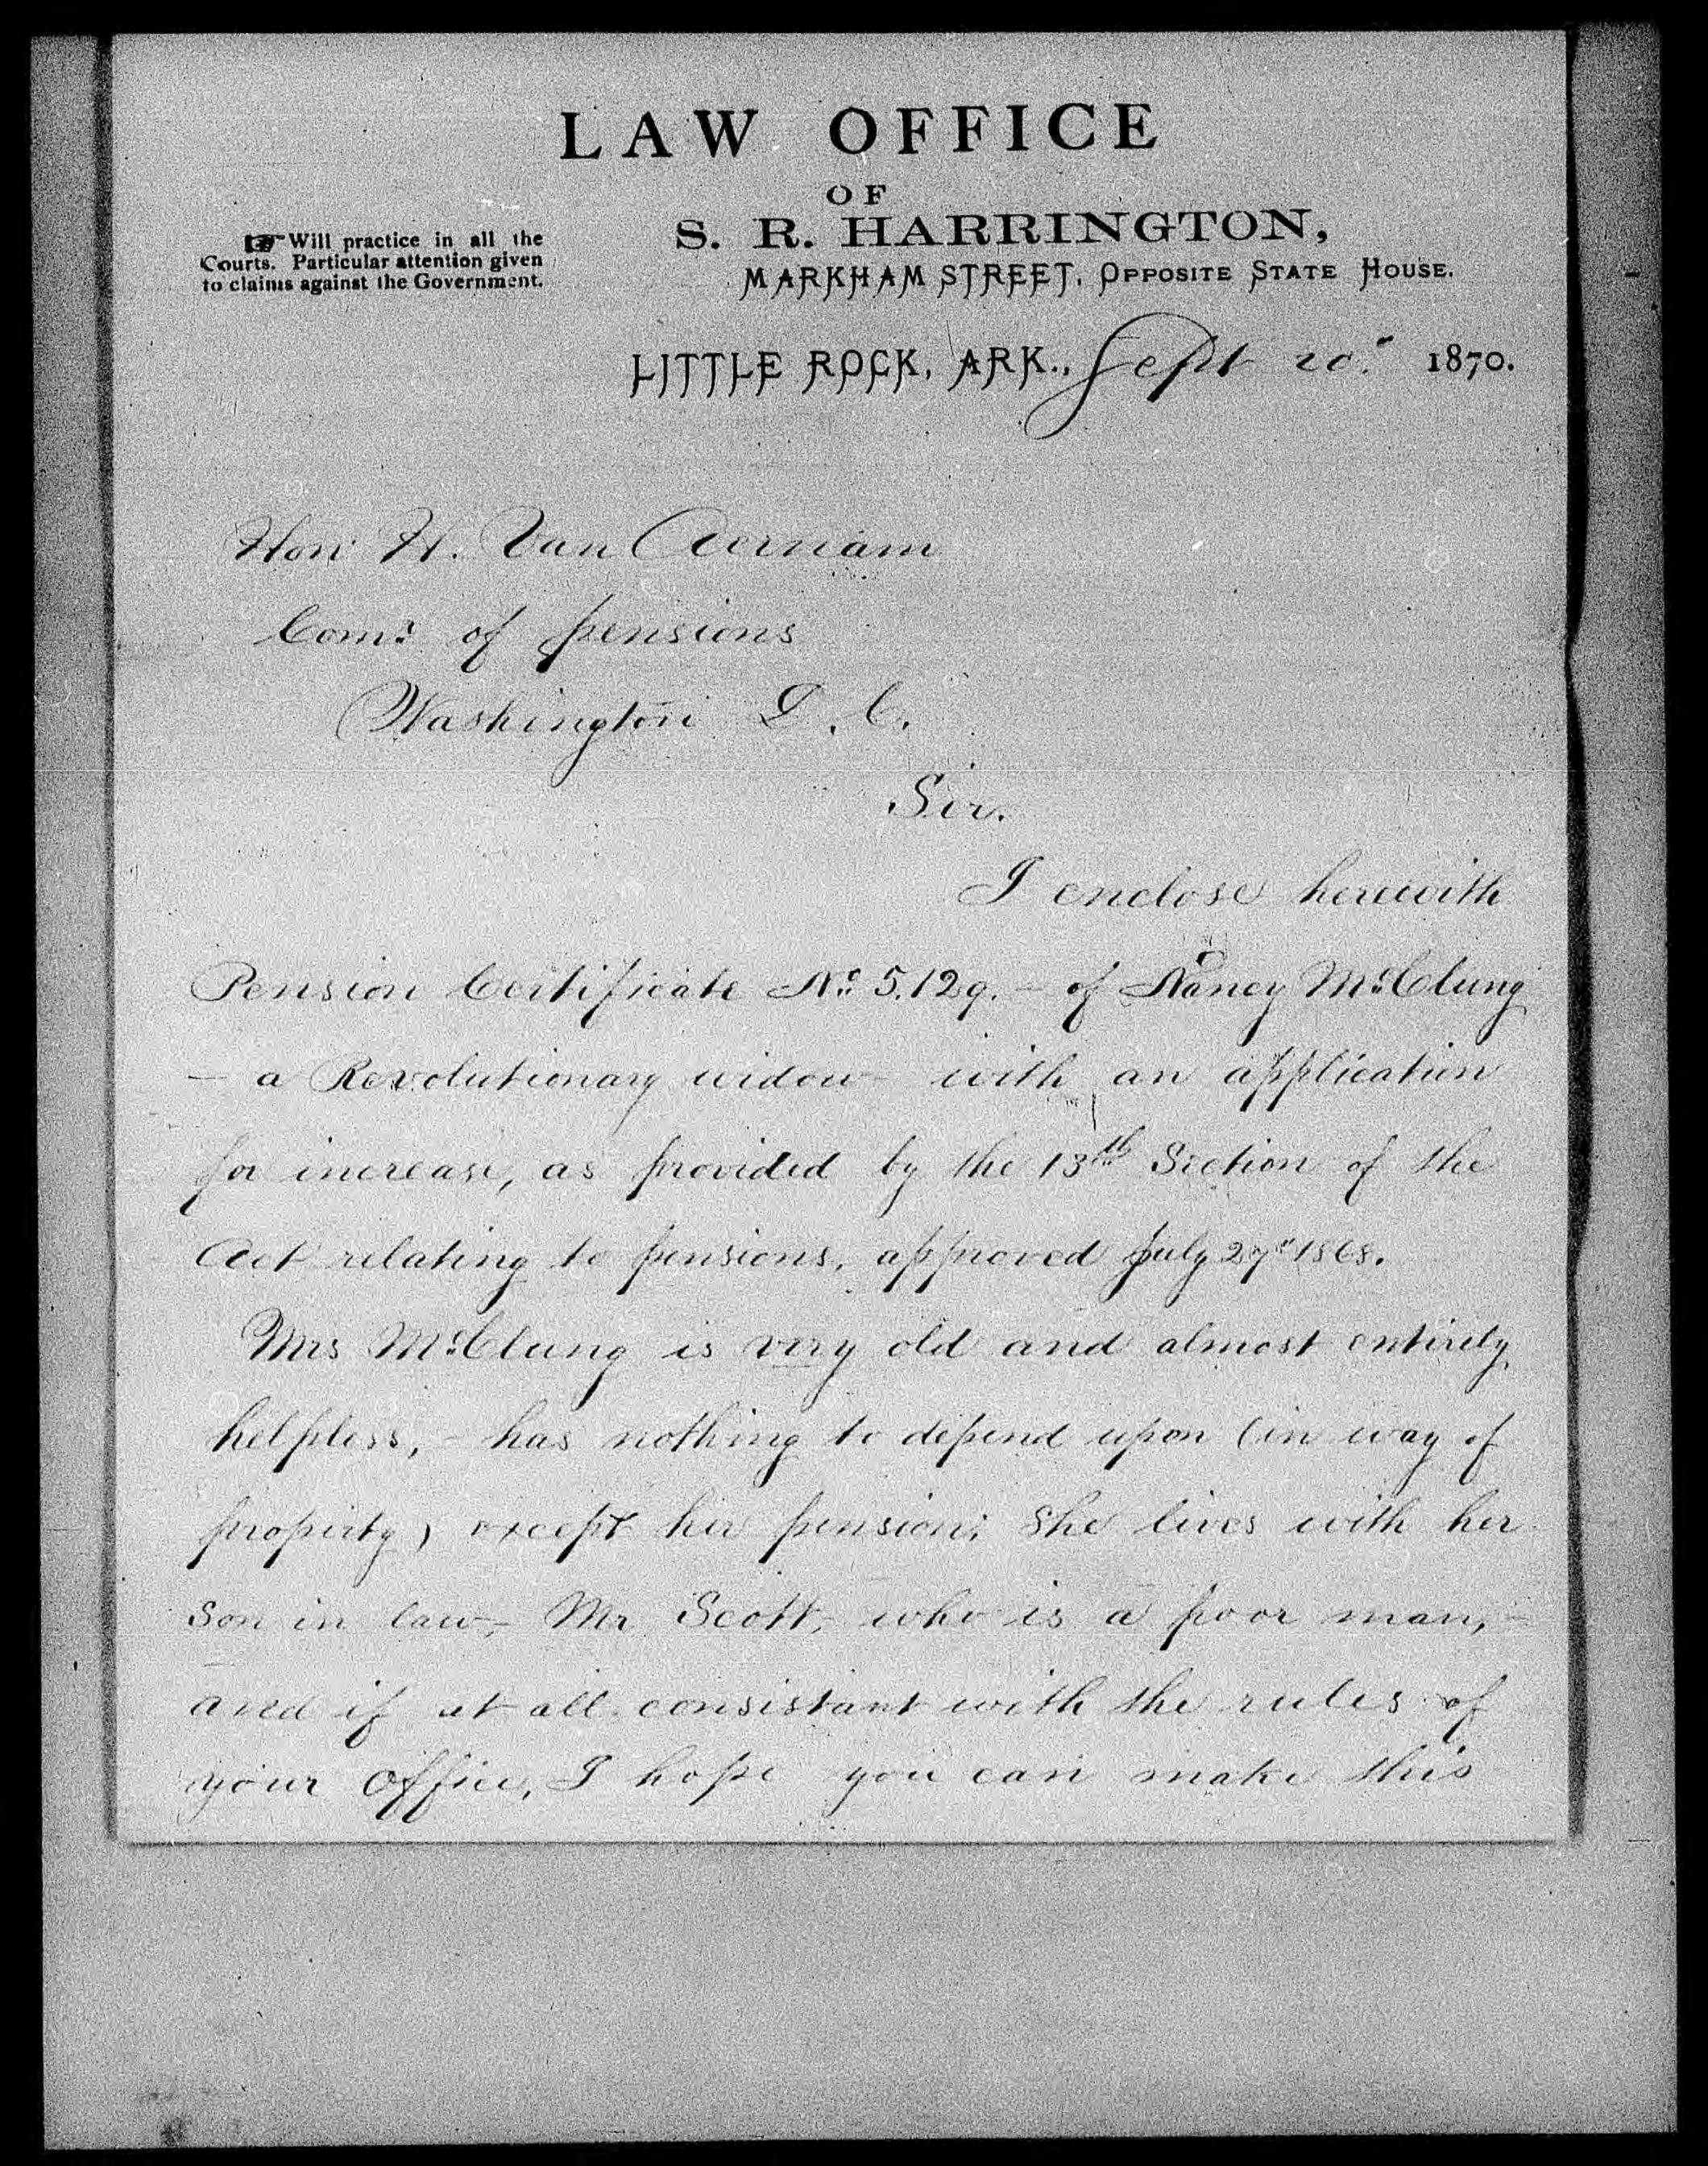Will practice in all the
Courts. Particular attention given
to claims against the Government.

LAW OFFICE
S. R. HARRINGTON
MARKHAM STREFT OPPOSITE STATE HOL
LITTLE ROCK ARK Sept 20th 1870

Hon W. Van Aernam
Com of Pensions
Washington D C

Sir
I enclose herewith Pension Certificate No 5.129. of Nancy McClung a Revolutionary widow with an application for increase, as provided by the 15th Section of the act relating to pensions, approved July 27th 1868

Mrs McClung is very old and almost entirely helpless, has nothing to depend upon in way of
property, except her pension: she lives with her son in law -- Mr Scott, who is a poor man, and if at all consistent with the rules of your office, I hope you can make this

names: S R Harrington; H Van Aernam; [BLANK] Scott; Nancy Mc Clung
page: 96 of 115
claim: widow's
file: W. 1446, for John Mc Clung, South Carolina